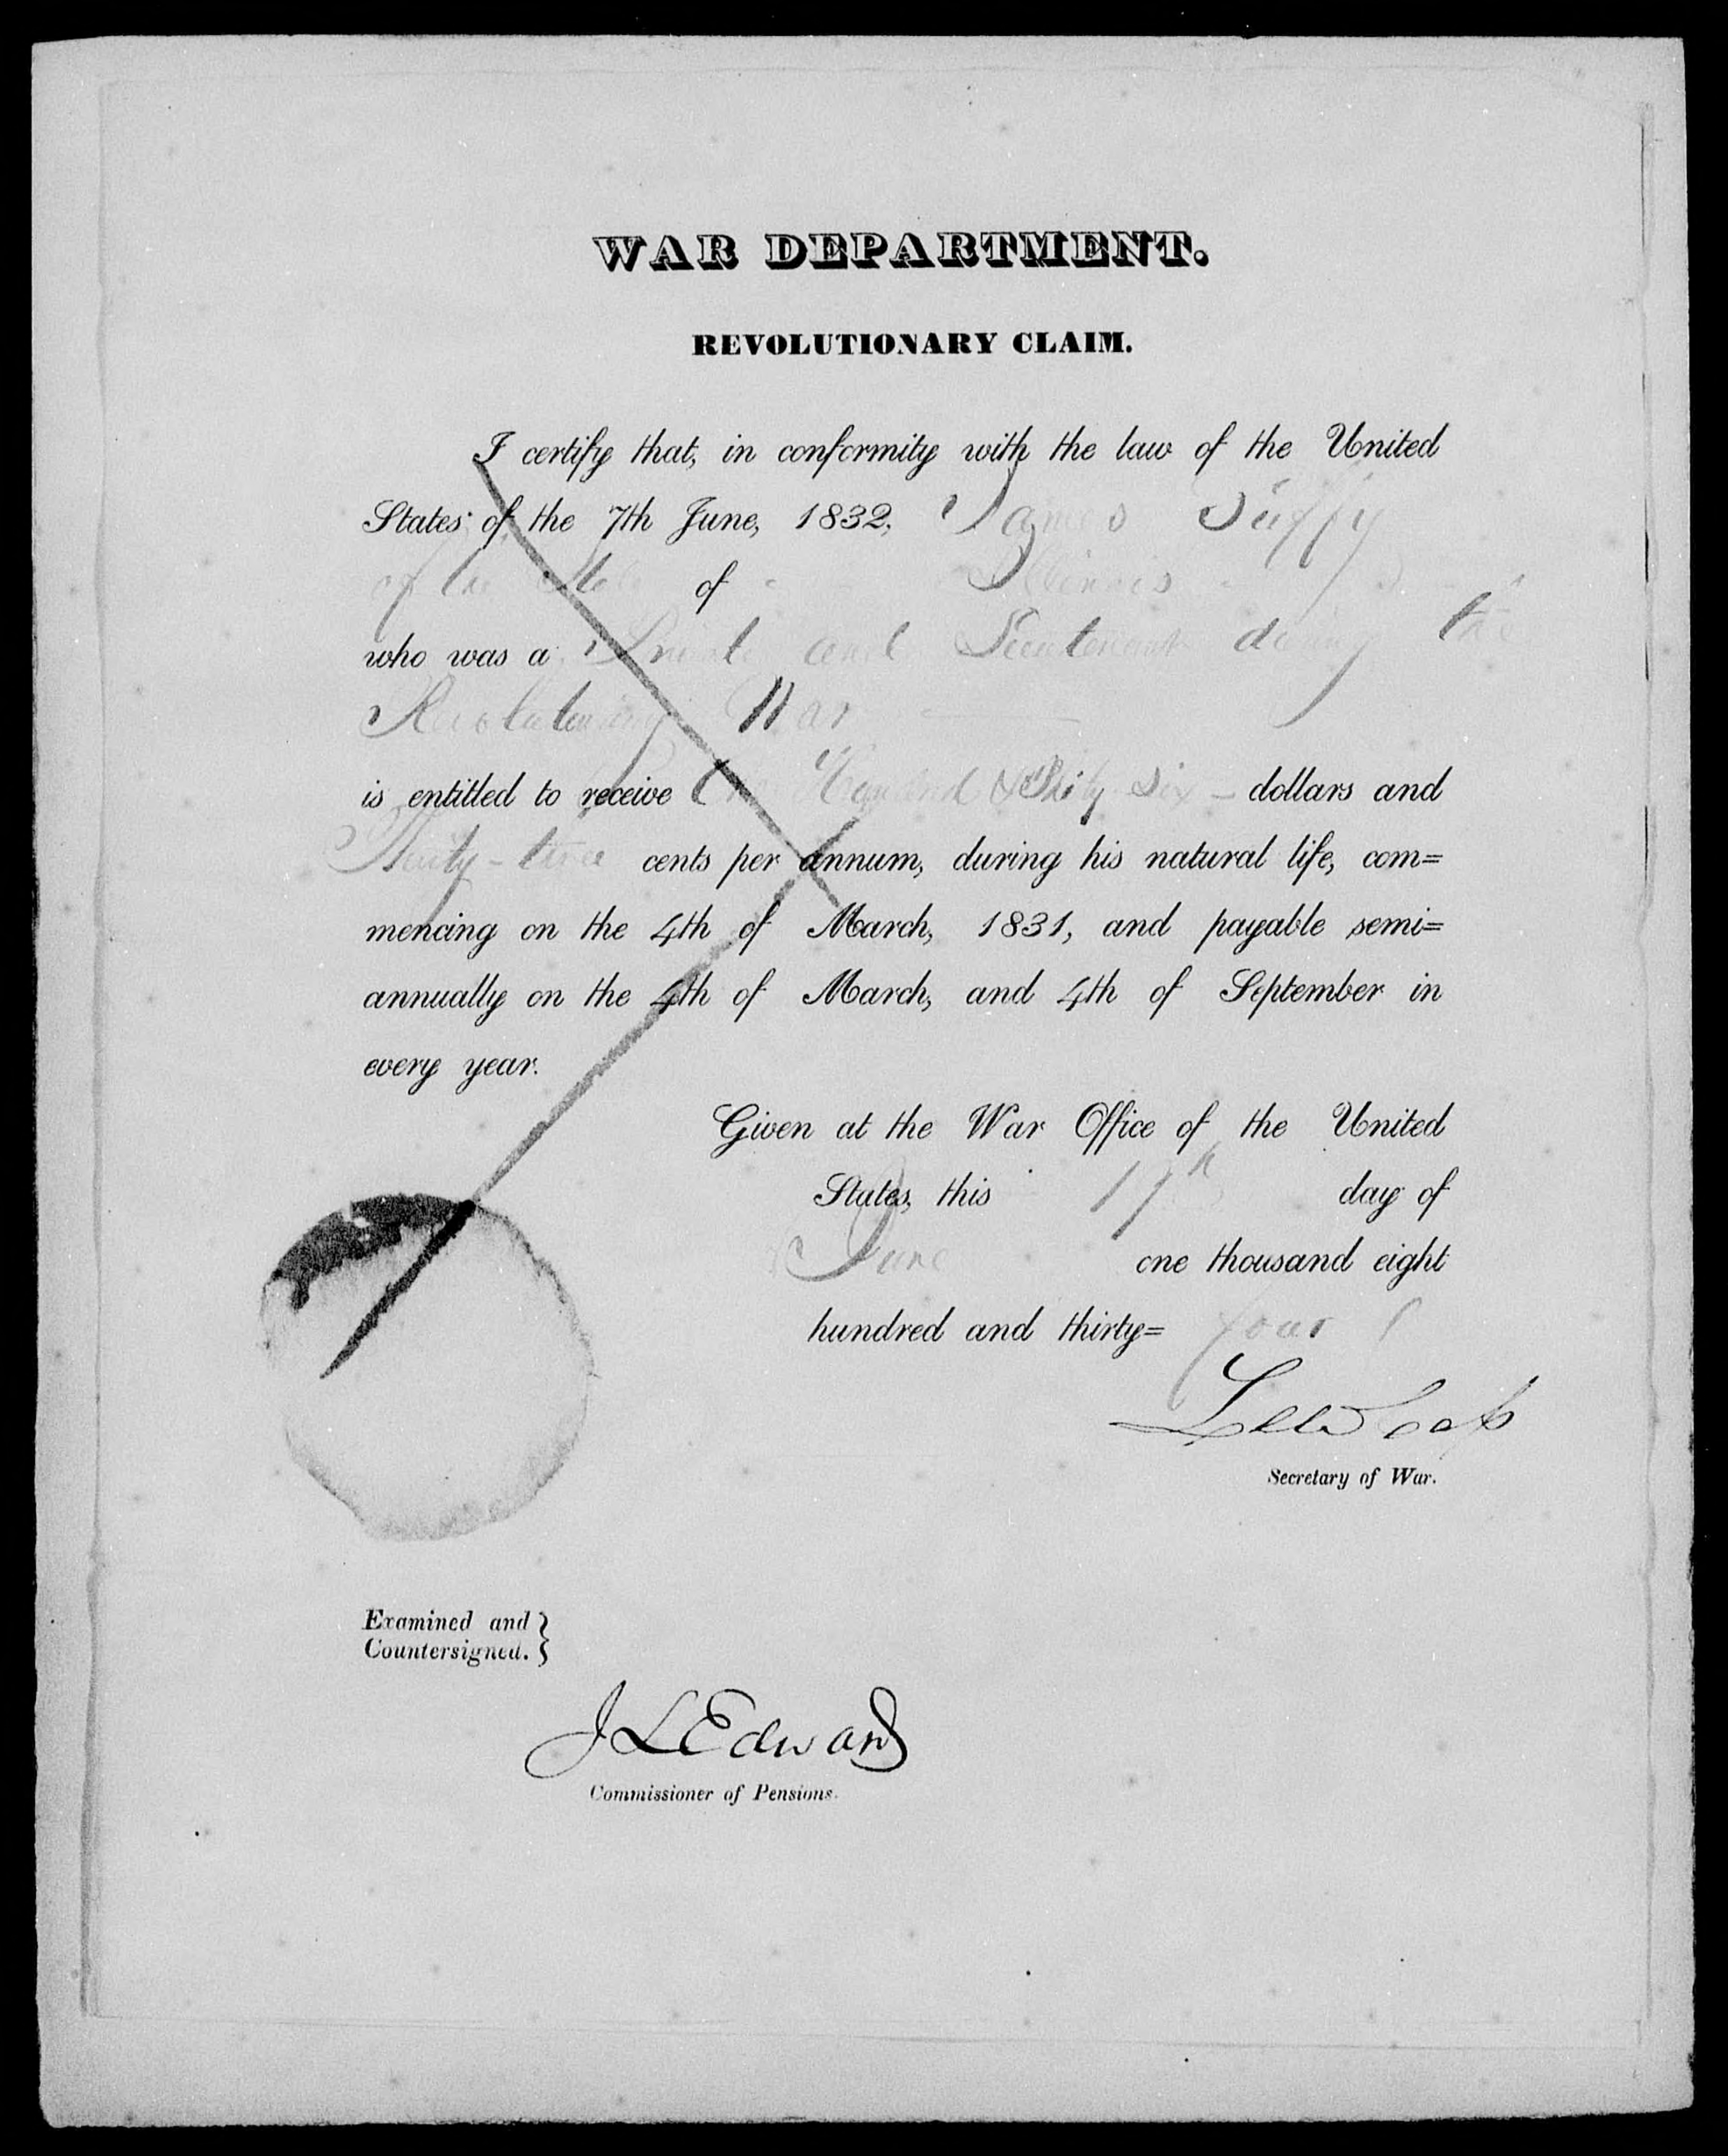[there appears to be the left side of a large x written on this page]
WAR DEPARTMENT.
REVOLUTIONARY CLAIM.
I certify that in conformity with the law of the United States of the 7th June, 1832, James Guffy of the State of Illinois who was a Private and Lieutenant during the
Revolutionary War
is entitled to receive
One Hundred & Thirty Six - dollars and
Thirty three cents per annum, during his natural life, commencing on the 4th of March, 1831, and payable semiannually on the 4th of March, and 4th of September in every year.
Given at the War Office of the United States, this 19th day of June one thousand eight
hundred and thirty-four
Lew Cass
Secretary of War.
[seal]
Examined and
Countersigned. }
J L Edwards
Commissioner of Pensions.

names: Lew Cass, J L Edwards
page: 26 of 36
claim: survivor's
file: S. 31,718, James Guffey, Penn.